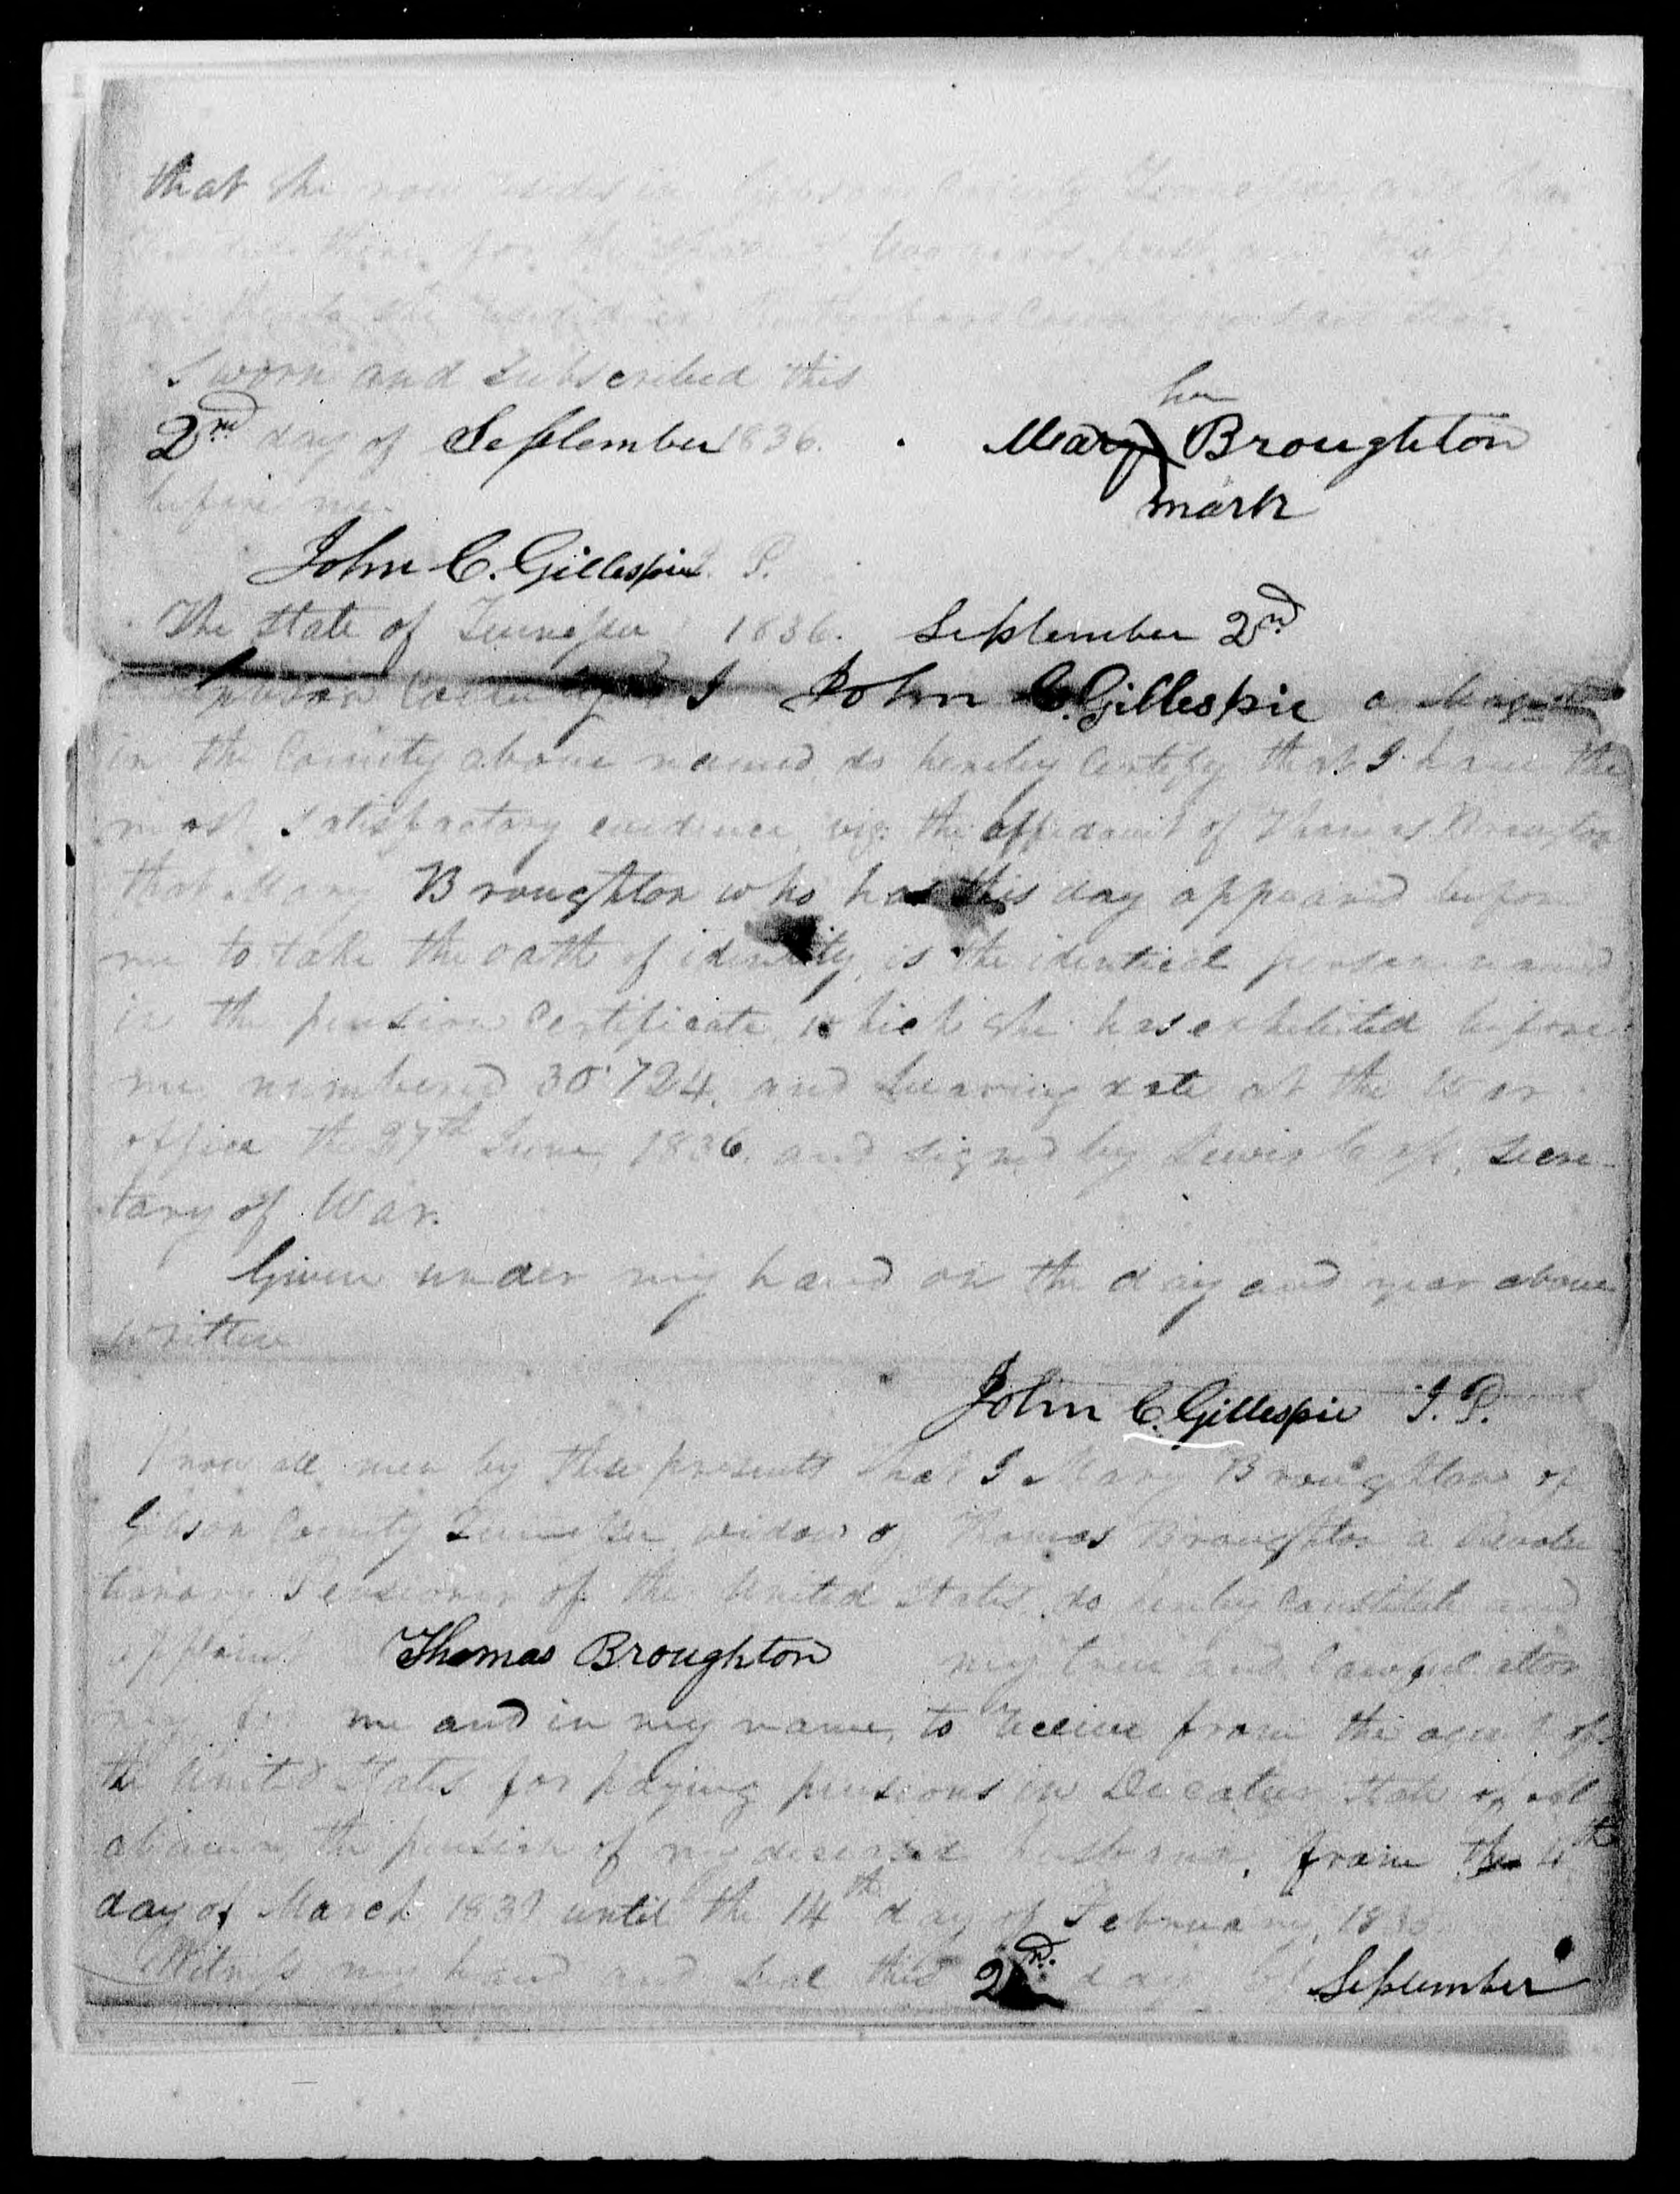that she now resides in Gibson County State of Tennessee [Illegible]
Mary Broughton X her mark
Sworn and subscribed this
2nd day of September 1836
before me s/ John C. Gillespie J.P.

The State of Tennessee Gibson County 1836 September 2nd 
I, John C. Gillespie a Magistrate
in the County above named do hereby certify that I have the most
satisfactory evidence viz the affidavit of Thomas Broughton that Mary Broughton who has this day appeared before me to take the oath of identity is the identical person named
in the pension certificate, which she has exhibited before me numbered 30724. and bearing date at the War
office the 27th June 1836 and signed by Lewis Cass Secretary of War
Given under my hand on the day and year above written 
s/ John C Gillespie J.P.
Know all men by these presents that I Mary Broughton of Gibson County Tennessee widow of Thomas Broughton a Revolutionary Pensioner of the United States do hereby constitute and appoint Thomas Broughton my true and lawful attorney for me and in my name, to receive from the agent of the United States for paying pensions in Decatur State of Alabama the pension of my deceased husband, from the 4th
day of March 1834 until the 14th day of February, 1835.
Witness my hand and seal this 2d day of September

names: Thomas Broughton, Mary Broughton, Thomas Broughton, Mary Broughton, John C Gillespie, Mary Broughton, John C Gillespie, John C Gillespie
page: 35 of 72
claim: widow's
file: W. 897, Thomas Broughton, S.C.